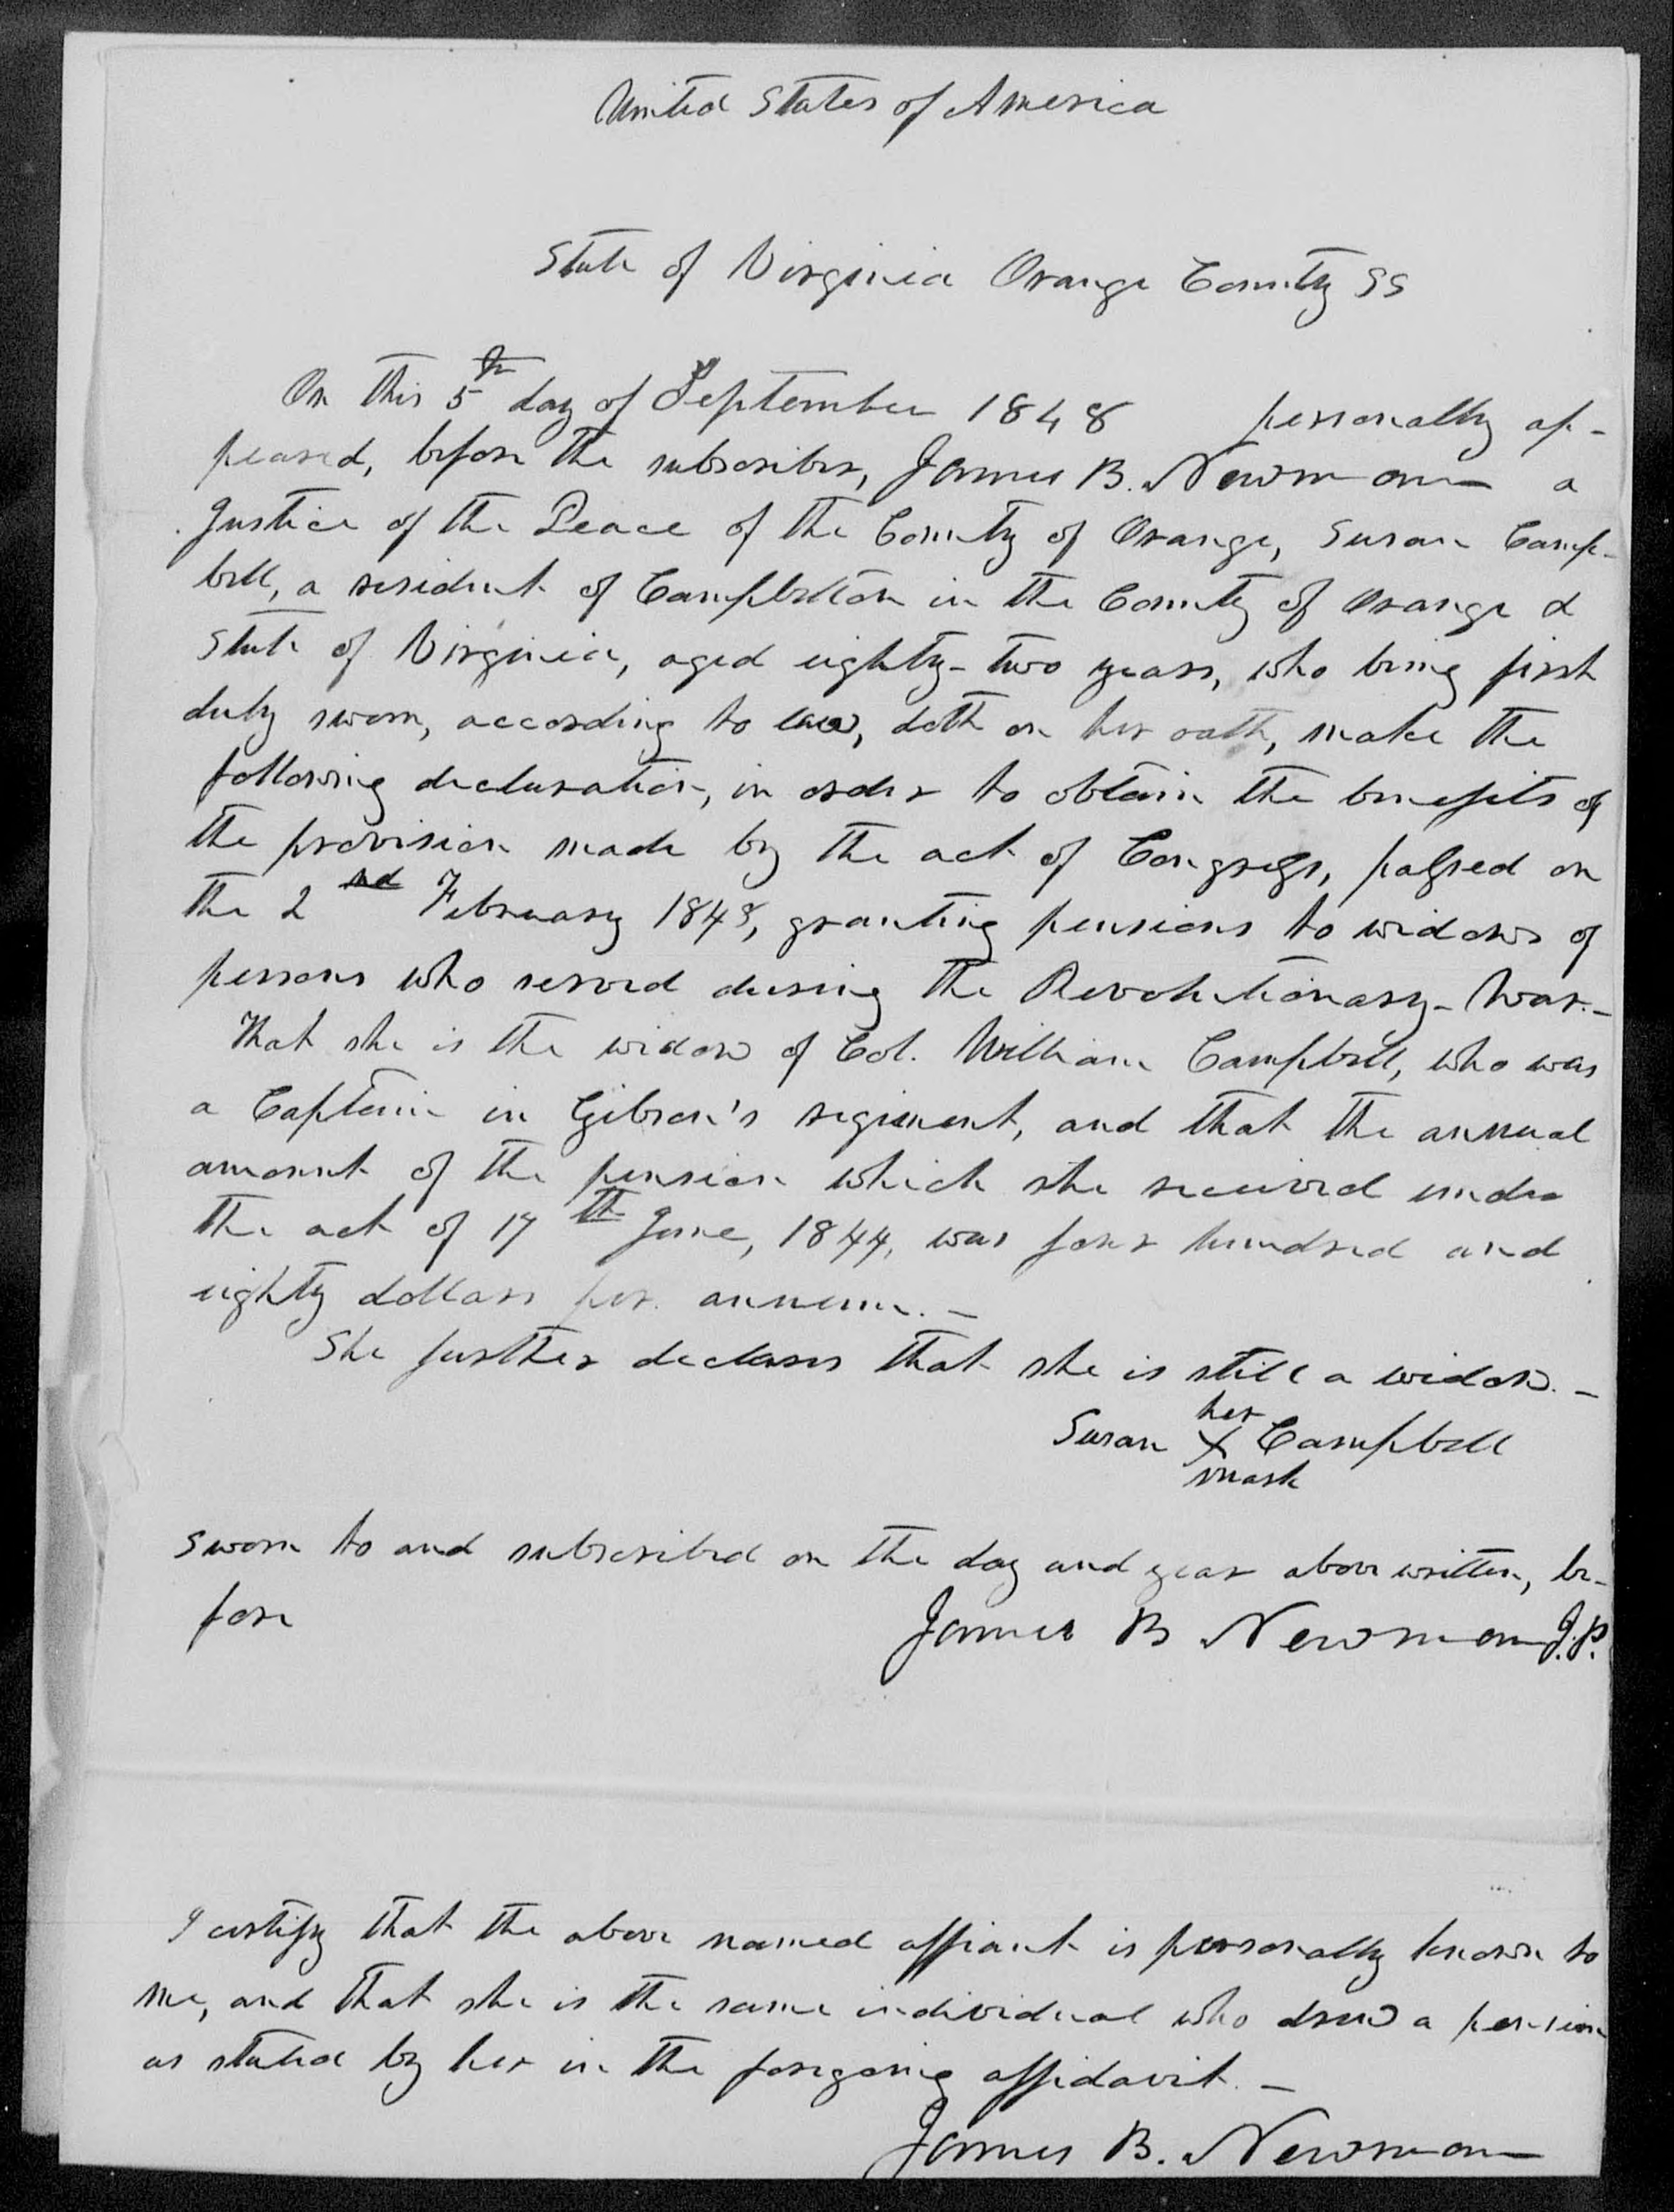United State of America
State of Virginia  Orange County SS

On this 5th day of September 1848 personally appeared, before the subscriber, James B. Newman a Justice of the Peace of the County of Orange, Susan Campbell, a resident of Campbellton in the County of Orange & State of Virginia, aged eighty-two years, who being first duly sworn, according to law, doth on her oath, make the following declaration, in order to obtain the benefits of the provision made by the act of Congress, passed on the 2nd February 1848, granting pensions to widows of persons who served during the Revolutionary War. 
That she is the widow of Col. William Campbell, who was a Captain in Gibson's regiment, and that the annual amount of pension which she received under the act of 17th June, 1844, was four hundred and eighty dollars per annum.
She further declares that she is still a widow.
Susan Campbell   x her mark

Sworn to and subscribed on the day and year above written, before
James B. Newman  J.P.

I certify that the above named affiant is personally known to me, and that she is the same individual who drew a pension as stated by her in the foregoing affidavit.
James B. Newman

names: James B Newman, James B Newman, James B Newman, Susan Campbell, William Campbell, Susan Campbell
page: 206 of 267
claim: widow's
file: W. 4,149, William Campbell, Va.